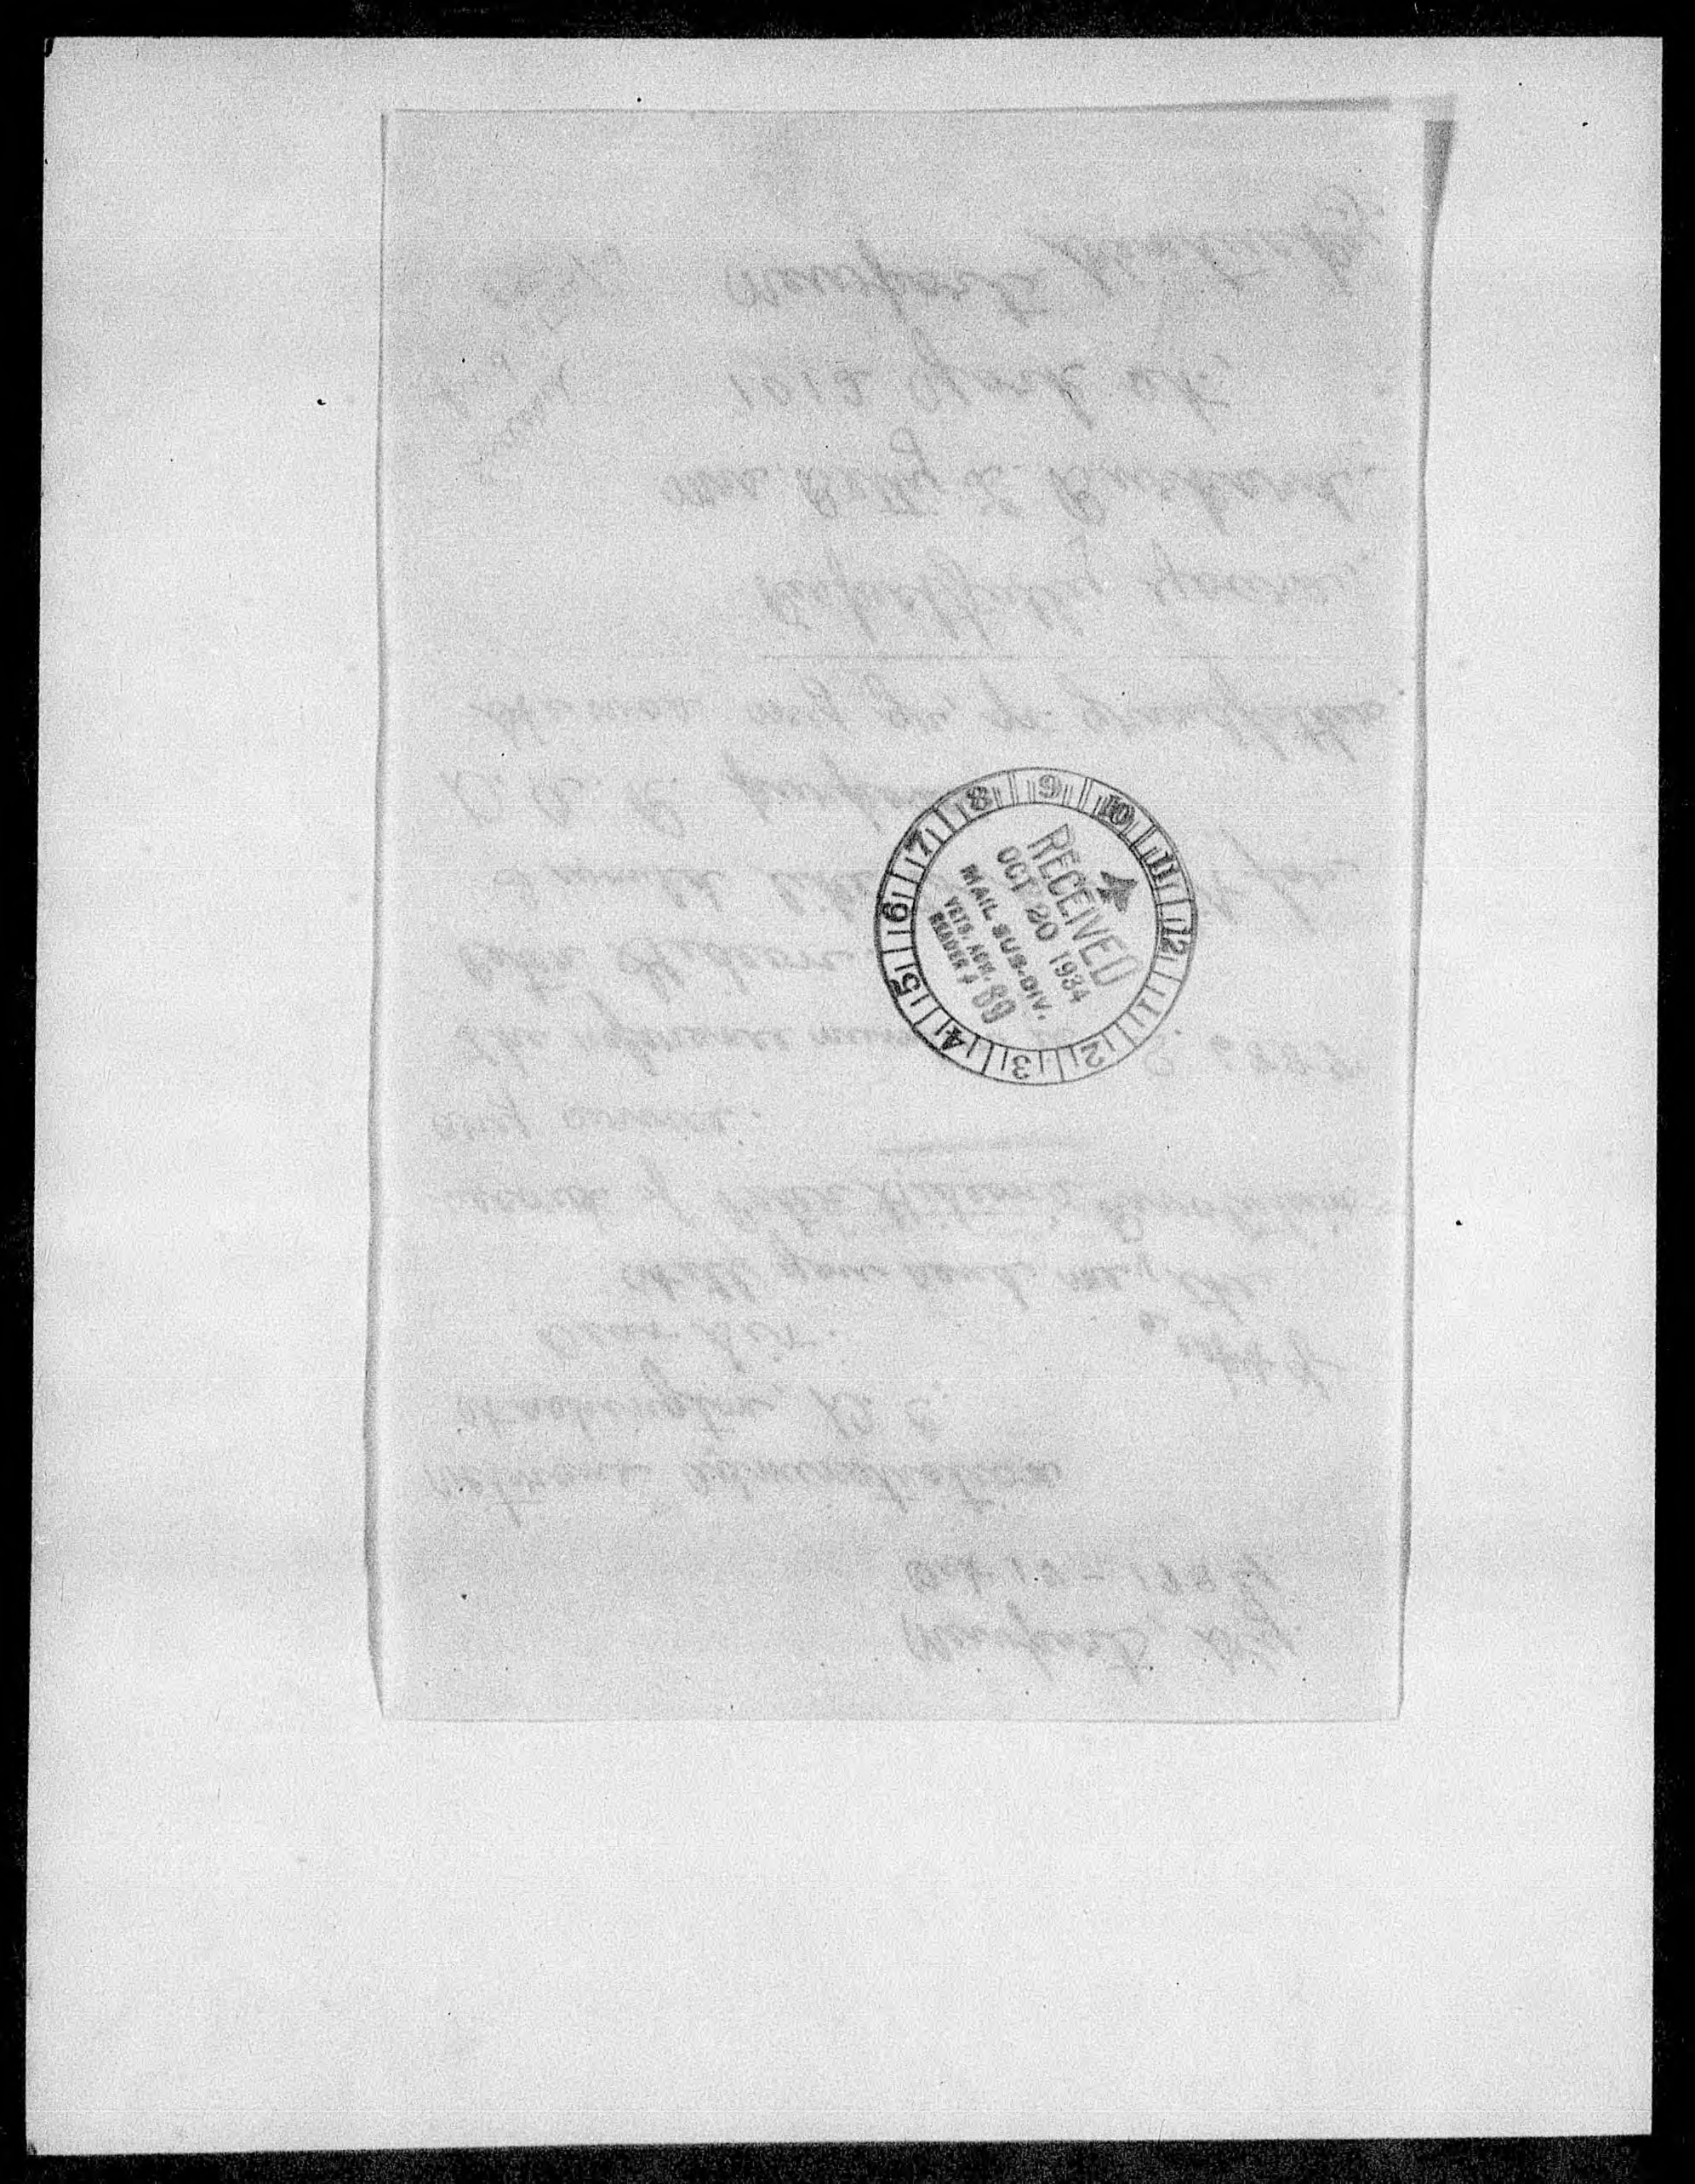Stamped Received Oct 20 1934
[appears to be the back of the letter on page 40]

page: 39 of 64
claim: survivor's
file: S. 6887, Peter Gideon, Md.